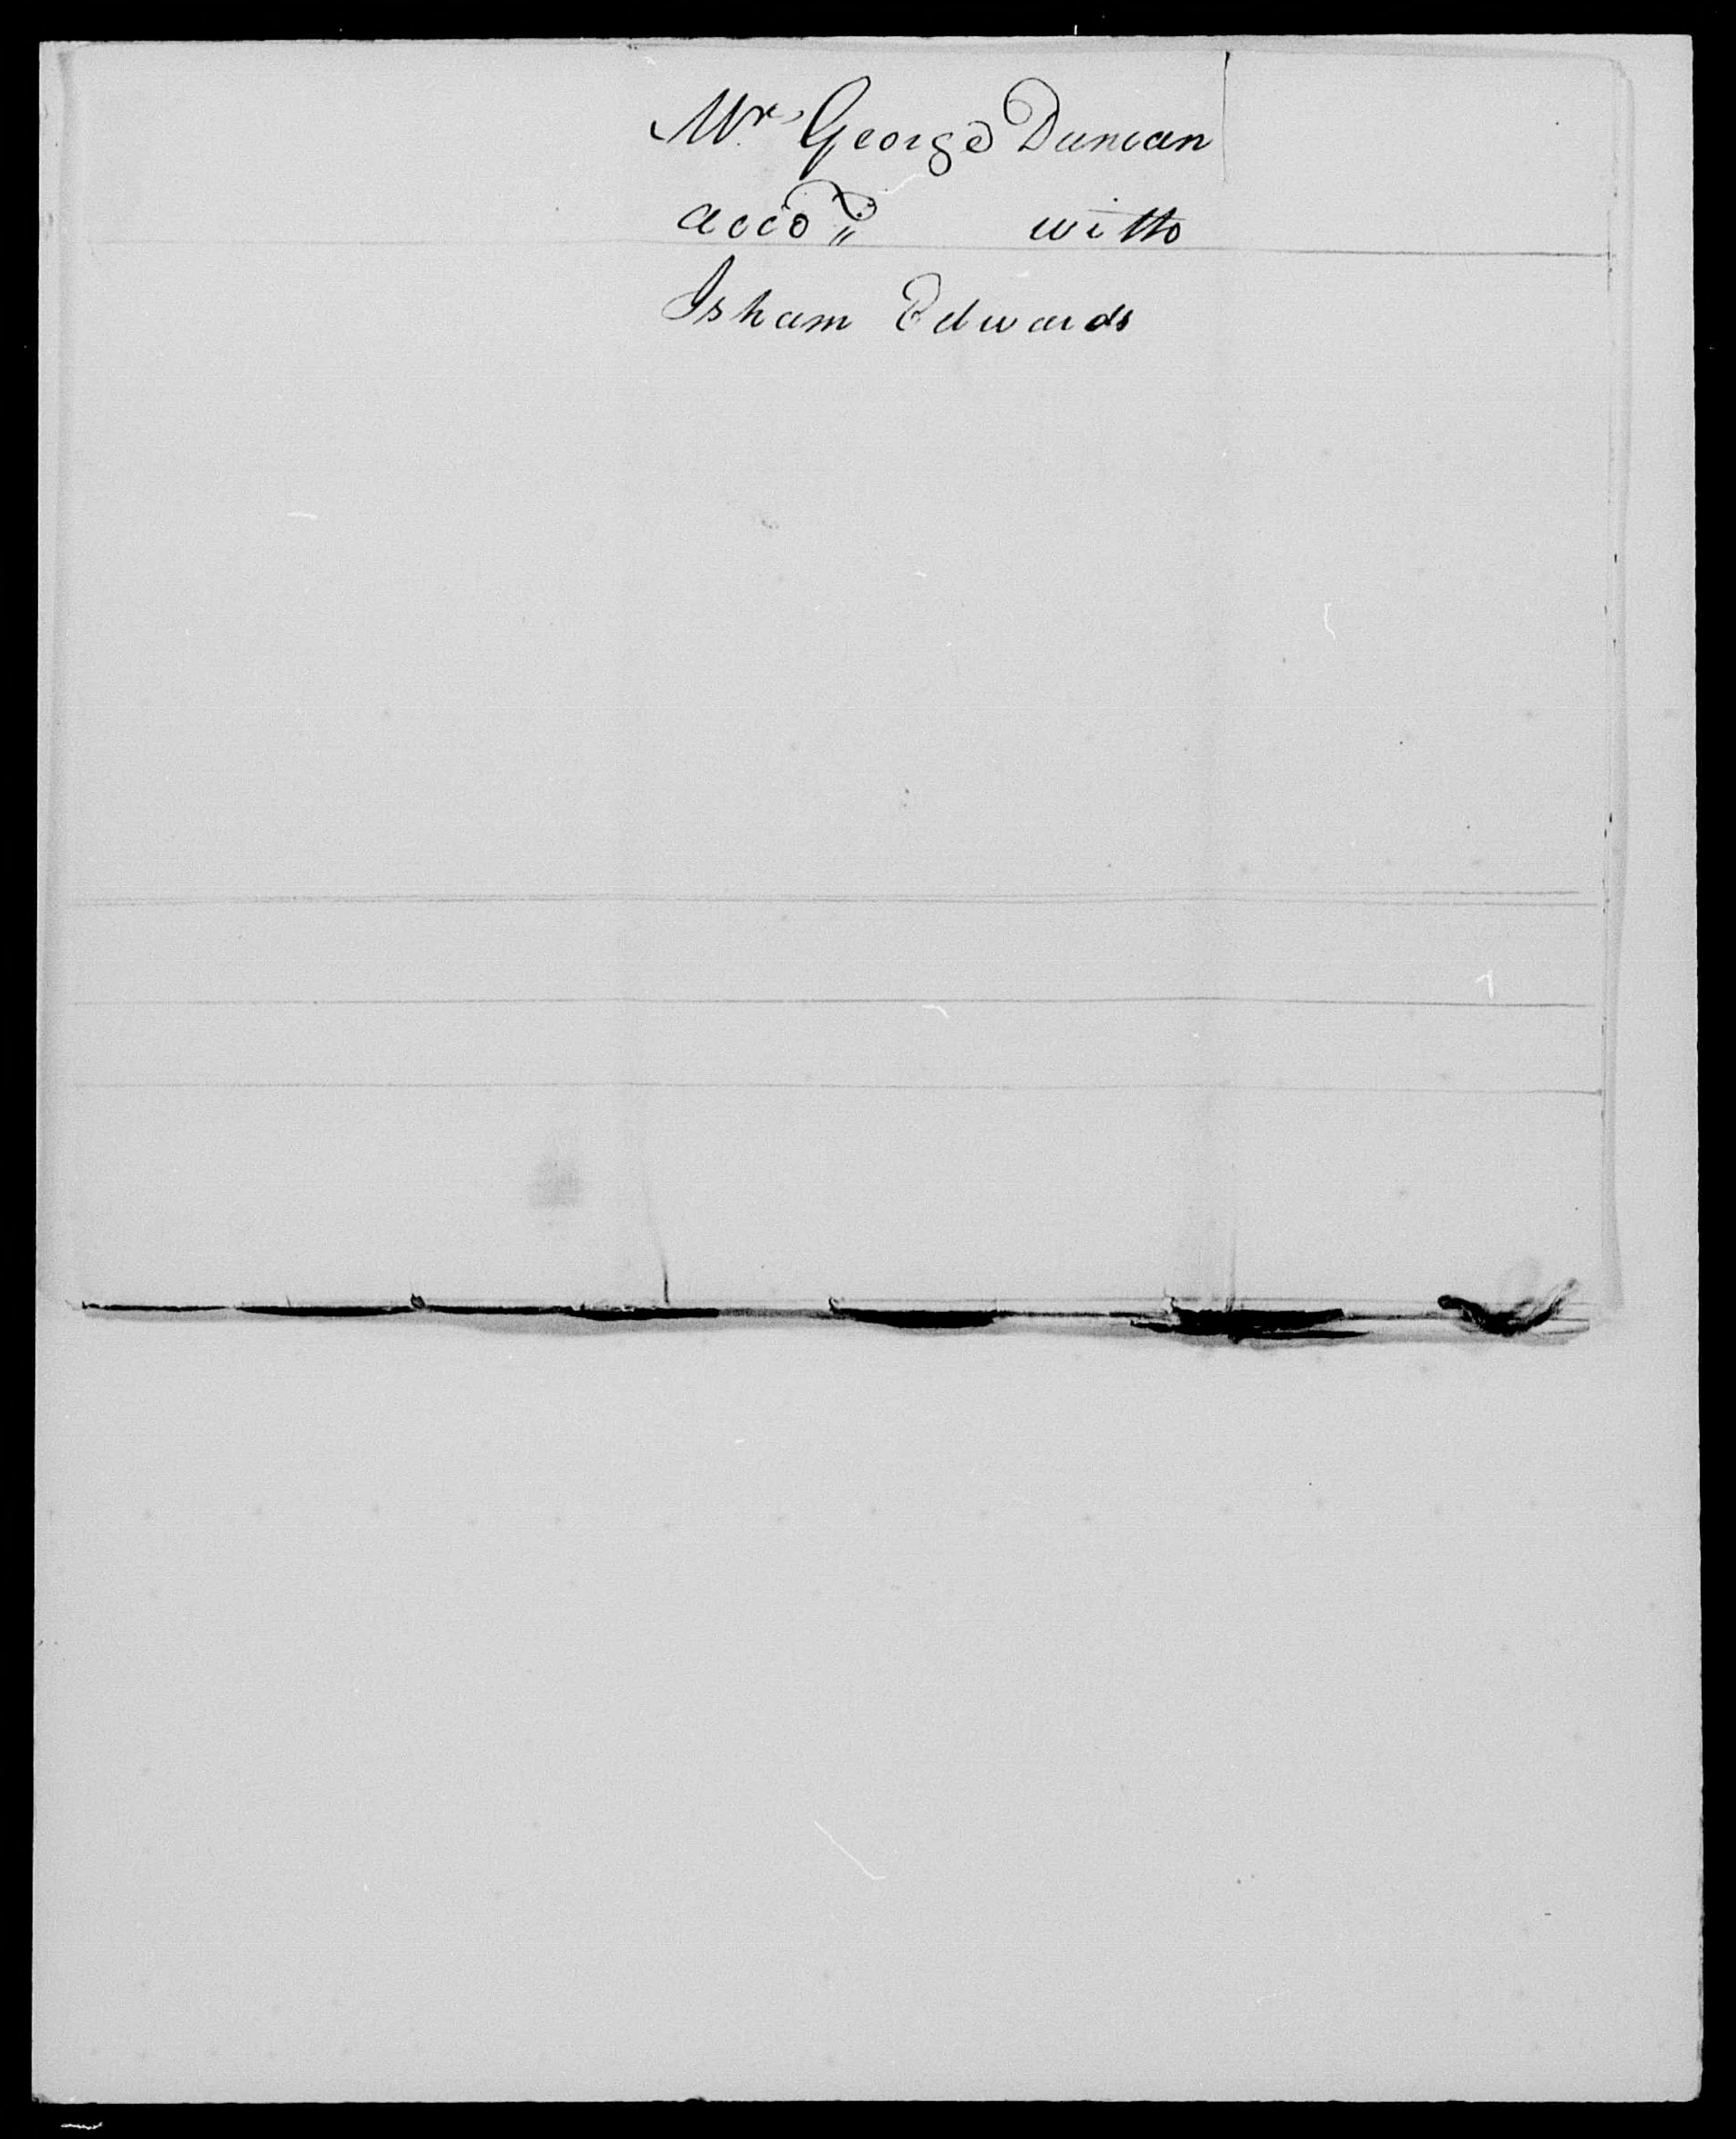Mr. George Duncan
acct with
Isham Edwards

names: Isham Edwards, George Duncan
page: 26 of 49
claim: survivor's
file: S. 41513, George Duncan, N.C.